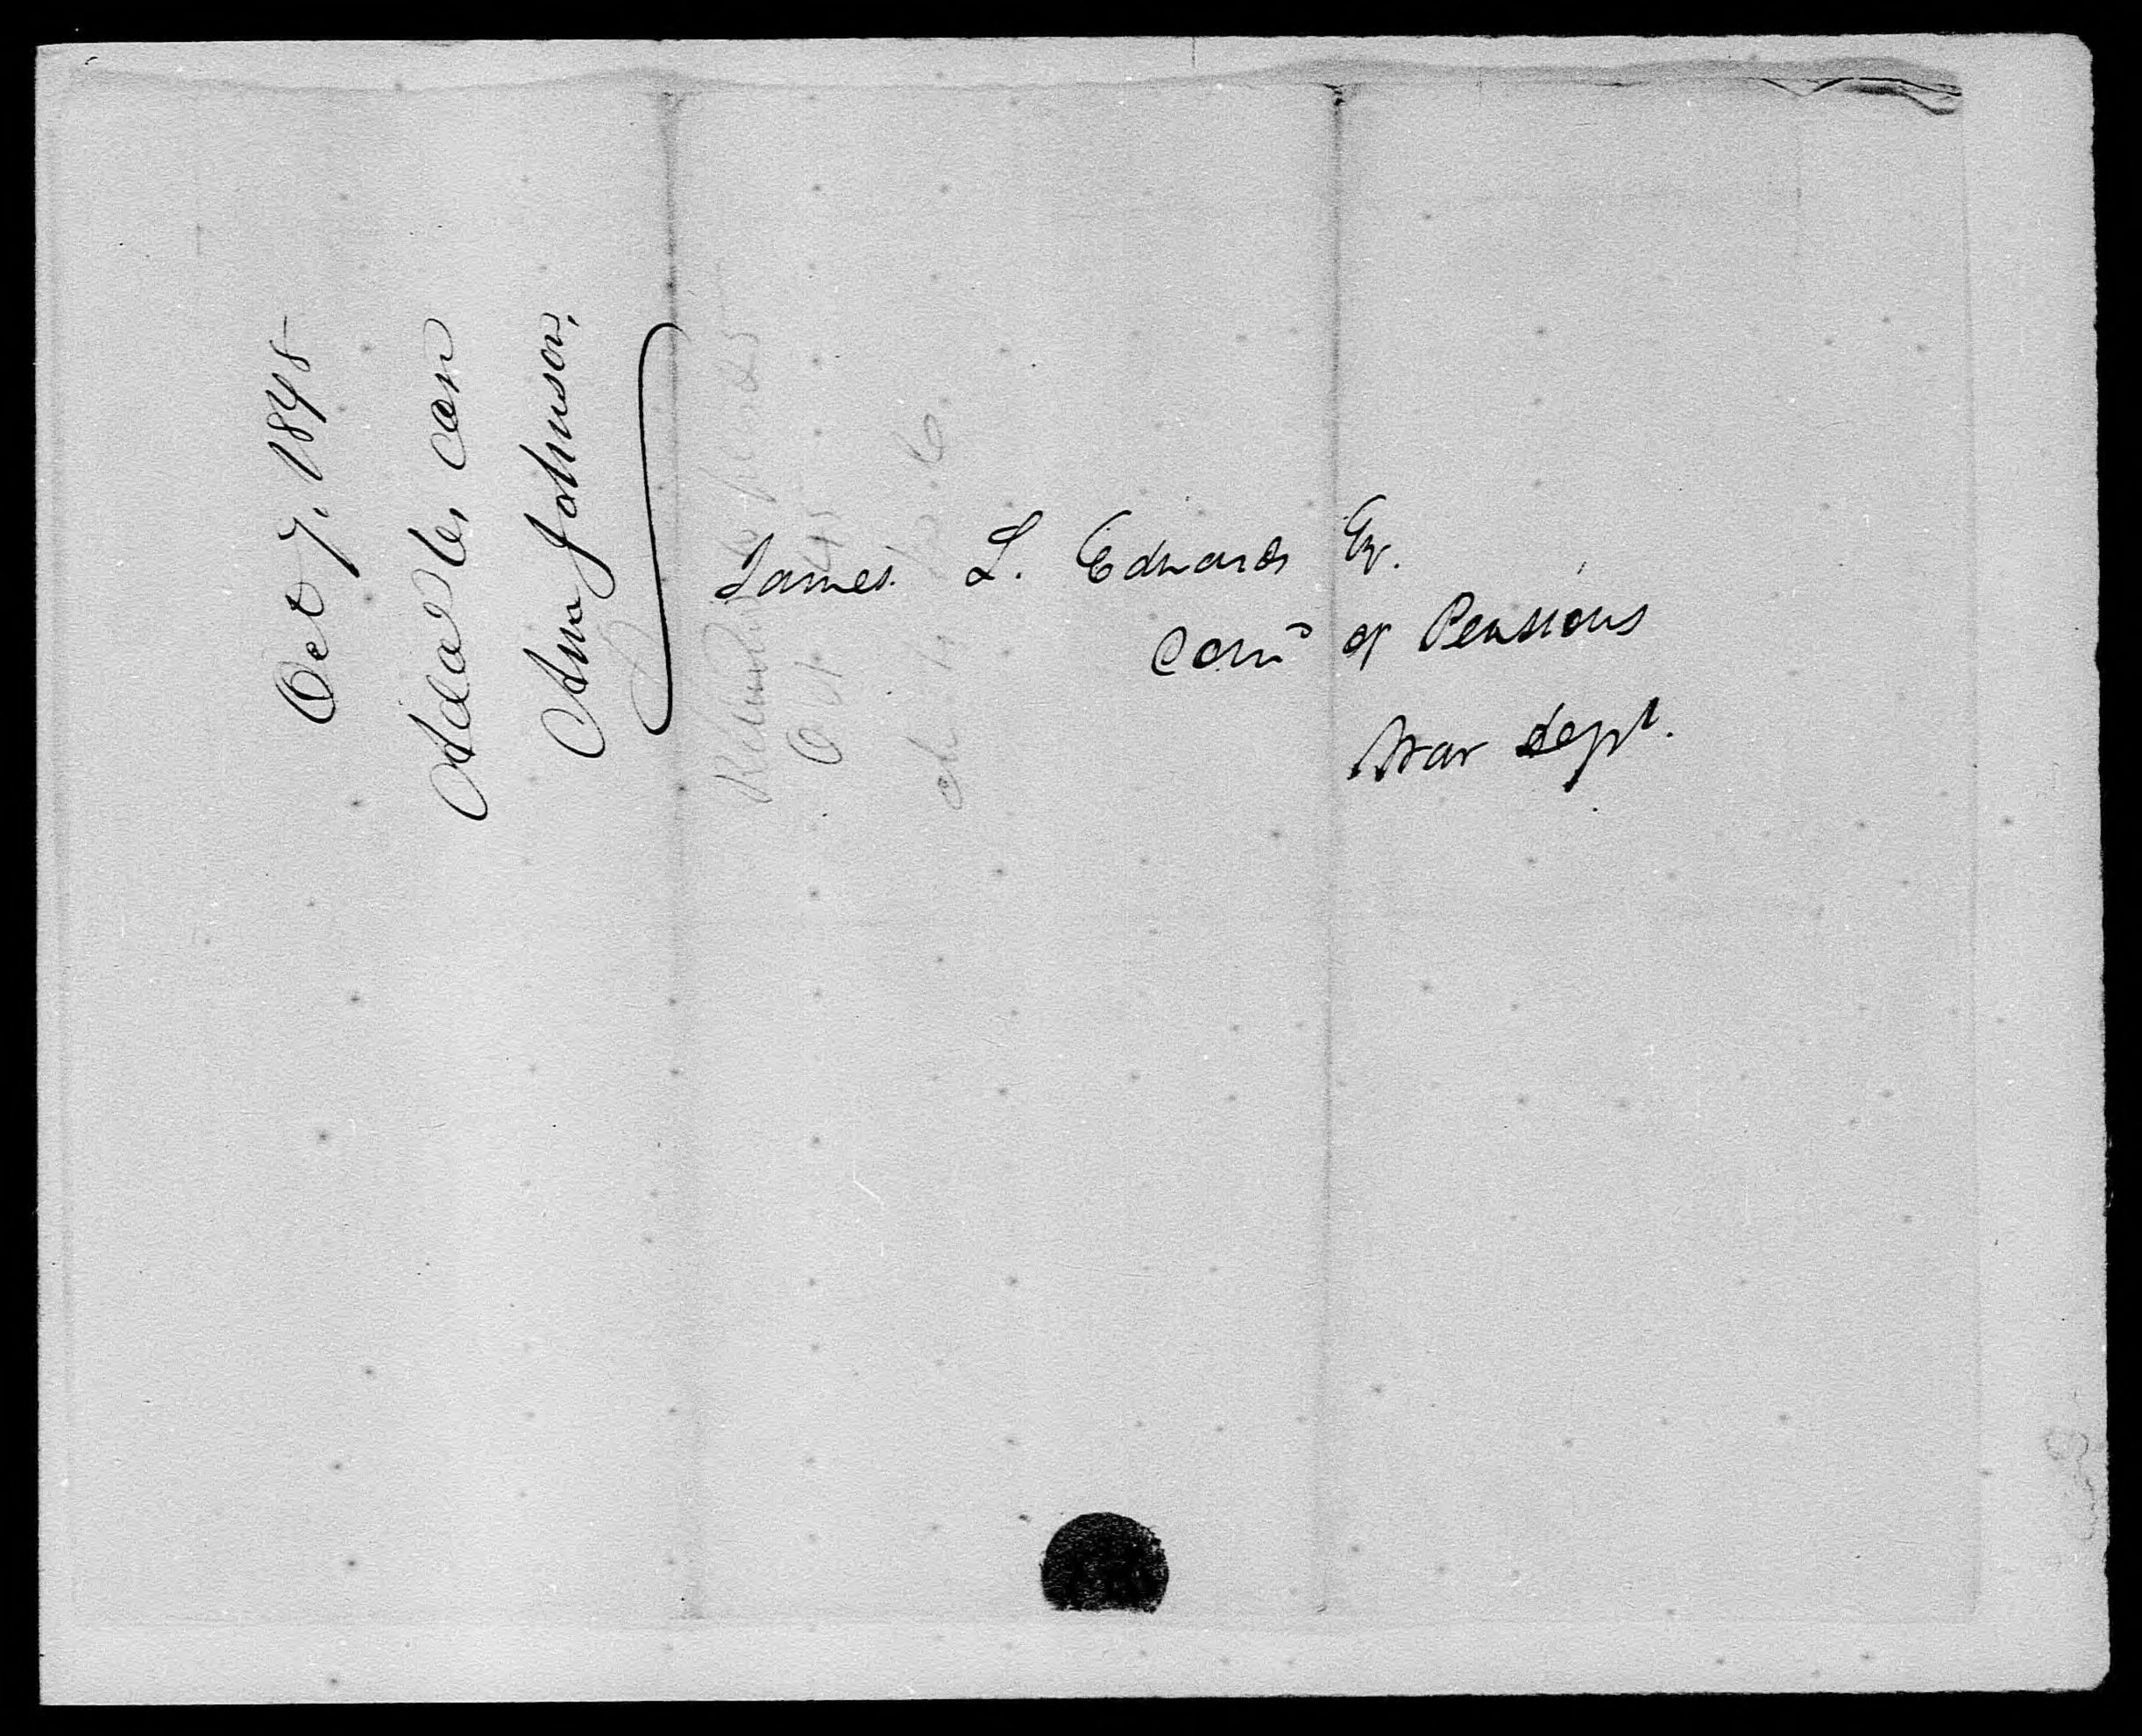Oct. 7 1848
[illegible]
Ana Johnson.
James L. Edwards
Commission of Pensions
War Department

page: 46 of 74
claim: rejected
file: R. 5600, for Abel Johnson, North Carolina